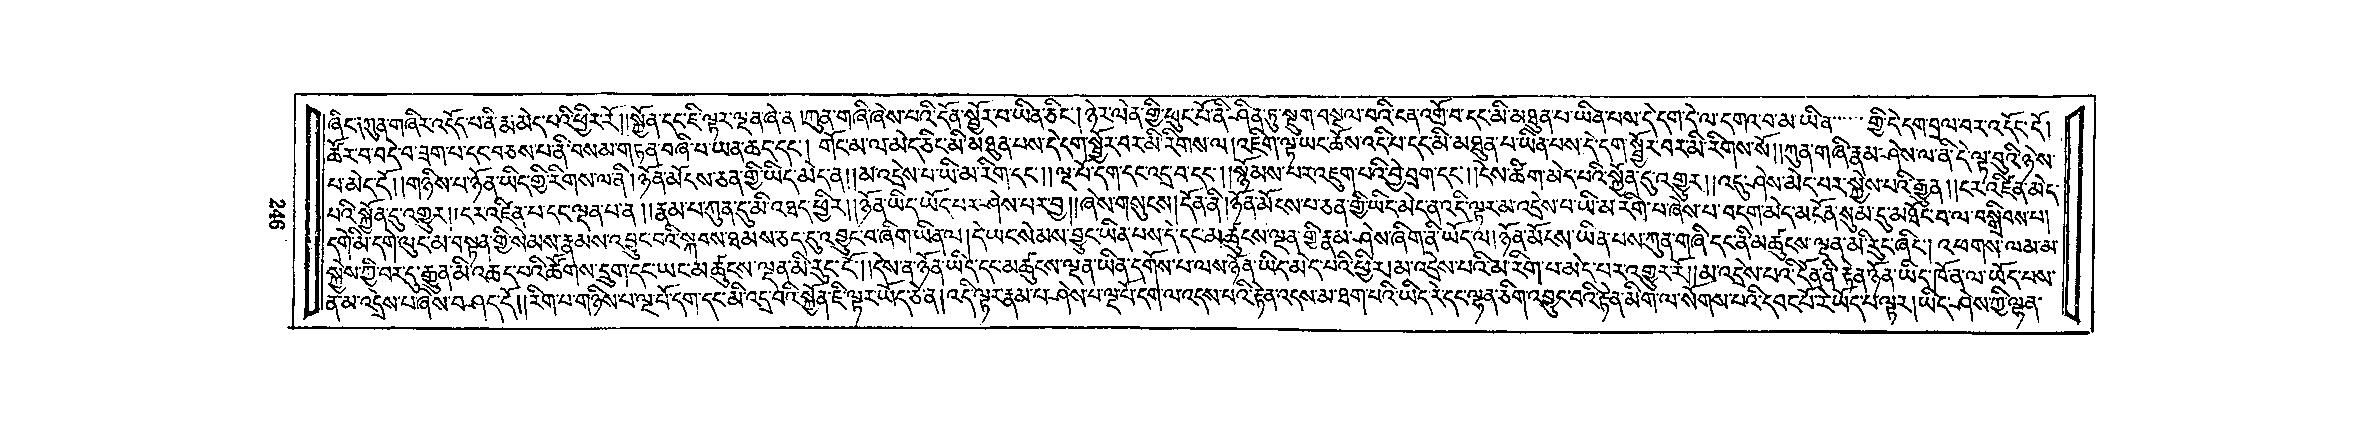ཞིང་། ཀུན་གཞིར་འདོད་པ་ནི་རྨ་མེད་པའི་ཕྱིར་རོ། །སྐྱོན་དང་ཇི་ལྟར་ལྡན་ཞེ་ན། ཀུན་གཞི་ཞེས་པའི་དོན་སྦྱོར་བ་ཡིན་ཅིང་། ཉེར་ལེན་གྱི་ཕུང་པོ་ནི་ཤིན་ཏུ་སྡུག་བསྔལ་བའི་ངན་འགྲོ་བ་དང་མི་མཐུན་པ་ཡིན་པས་དེ་དག་དེ་ལ་དགའ་བ་མ་ཡིན་གྱི་དེ་དག་བྲལ་བར་འདོད་དོ།
ཚོར་བ་བདེ་བ་ཟག་པ་དང་བཅས་པ་ནི་བསམ་གཏན་བཞི་པ་ཡན་ཆད་དང་། གོང་མ་ལ་མེད་ཅིང་མི་མཐུན་པས་དེ་དག་སྦྱོར་བར་མི་རིགས་ལ། འཇིག་ལྟ་ཡང་ཆོས་འདི་པ་དང་མི་མཐུན་པ་ཡིན་པས་དེ་དག་སྦྱོར་བར་མི་རིགས་སོ། །ཀུན་གཞི་རྣམ་ཤེས་ལ་ནི་དེ་ལྟ་བུའི་ཉེས་
པ་མེད་དོ། །གཉིས་པ་ཉོན་ཡིད་གྱི་རིགས་ལ་ནི། ཉོན་མོངས་ཅན་གྱི་ཡིད་མེད་ན། །མ་འདྲེས་པ་ཡི་མ་རིག་དང་། །ལྔ་པོ་དག་དང་འདྲ་བ་དང་། །སྙོམས་པར་འཇུག་པའི་བྱེ་བྲག་དང་། །ངེས་ཚིག་མེད་པའི་སྐྱོན་དུ་འགྱུར། །འདུ་ཤེས་མེད་པར་སྐྱེས་པའི་རྒྱུན། །ངར་འཛིན་མེད་
པའི་སྐྱོན་དུ་འགྱུར། །ངར་འཛིན་པ་དང་ལྡན་པ་ན། །རྣམ་པ་ཀུན་དུ་མི་འཐད་ཕྱིར། །ཉོན་ཡིད་ཡོད་པར་ཤེས་པར་བྱ། །ཞེས་གསུངས། དོན་ནི། ཉོན་མོངས་པ་ཅན་གྱི་ཡིད་མེད་ན་འདི་ལྟར་མ་འདྲེས་པ་ཡི་མ་རིག་པ་ཞེས་པ་བདག་མེད་མངོན་སུམ་དུ་མཐོང་བ་ལ་བསྒྲིབས་པ།
དགེ་མི་དགེ་ལུང་མ་བསྟན་གྱི་སེམས་རྣམས་འབྱུང་བའི་སྐབས་ཐམས་ཅད་དུ་འབྱུང་བ་ཞིག་ཡིན་ལ། དེ་ཡང་སེམས་བྱུང་ཡིན་པས་དེ་དང་མཚུངས་ལྡན་གྱི་རྣམ་ཤེས་ཞིག་ནི་ཡོད་ལ། ཉོན་མོངས་ཡིན་པས་ཀུན་གཞི་དང་ནི་མཚུངས་ལྡན་མི་རུང་ཞིང་། འཕགས་ལམ་མ་
སྐྱེས་ཀྱི་བར་དུ་རྒྱུན་མི་འཆད་པའི་ཚོགས་དྲུག་དང་ཡང་མཚུངས་ལྡན་མི་རུང་ངོ། །དེས་ན་ཉོན་ཡིད་དང་མཚུངས་ལྡན་ཡིན་དགོས་པ་ལས་ཉོན་ཡིད་མེད་པའི་ཕྱིར། མ་འདྲེས་པའི་མ་རིག་པ་མེད་པར་འགྱུར་རོ། །མ་འདྲེས་པའི་དོན་ནི་རྟེན་ཉོན་ཡིད་ཁོ་ན་ལ་ཡོད་པས་
ན་མ་འདྲེས་པ་ཞེས་བཤད་དོ། །རིག་པ་གཉིས་པ་ལྔ་པོ་དག་དང་མི་འདྲ་བའི་སྐྱོན་ཇི་ལྟར་ཡོད་ཅེ་ན། འདི་ལྟར་རྣམ་པ་ཤེས་པ་ལྔ་པོ་དག་ལ་འདས་པའི་རྟེན་འདས་མ་ཐག་པའི་ཡིད་རེ་དང་ལྷན་ཅིག་འབྱུང་བའི་རྟེན་མིག་ལ་སོགས་པའི་དབང་པོ་རེ་ཡོད་པ་ལྟར། ཡིད་ཤེས་ཀྱི་ལྷན་